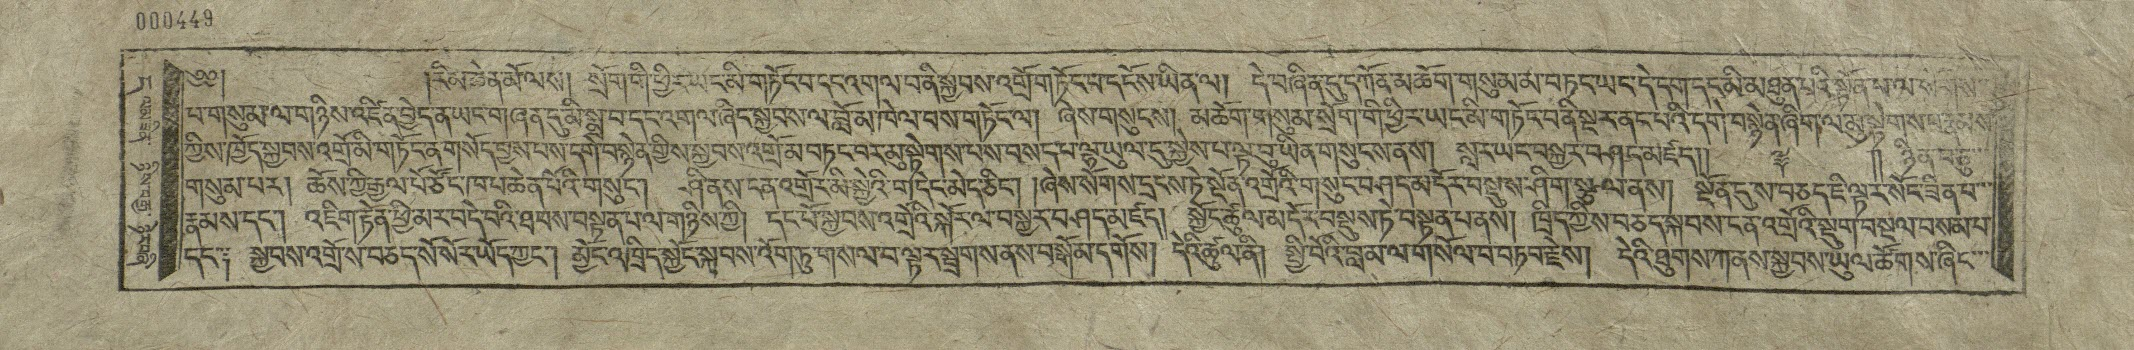༄༅། །རིམ་ཆེན་མོ་ལས། སྲོག་གི་ཕྱིར་ཡང་མི་གཏོང་བ་དང་འགལ་བ་ནི་སྐྱབས་འགྲོ་གཏོང་བ་དངོས་ཡིན་ལ། དེ་བཞིན་དུ་དཀོན་མཆོག་གསུམ་མ་བཏང་ཡང་དེ་དག་དང་མི་མཐུན་པའི་སྟོན་པ་ལ་སོགས་
པ་གསུམ་ལ་གཉིས་འཛིན་བྱེད་ན་ཡང་གཞན་དུ་མི་སྨྲ་བ་དང་འགལ་ཞིང་སྐྱབས་ལ་བློ་མ་ཁེལ་བས་གཏོང་ལ། ཞེས་གསུངས། མཆོག་གསུམ་སྲོག་གི་ཕྱིར་ཡང་མི་གཏོང་བ་ནི་སྔར་ནང་པའི་དགེ་བསྙེན་ཞིག་ལ་མུ་སྟེགས་པ་རྣམས་
ཀྱིས་ཁྱོད་སྐྱབས་འགྲོ་མི་གཏོང་ན་གསོད་བྱས་པས་དགེ་བསྙེན་གྱིས་སྐྱབས་འགྲོ་མ་བཏང་བར་མུ་སྟེགས་པས་བསད་པ་ལྷ་ཡུལ་དུ་སྐྱེས་པ་ལྟ་བུ་ཡིན་གསུངས་ནས། སླར་ཡང་བསྐྱར་བཤད་མཛད།། ༈ །།ཉིན་བཅུ་
གསུམ་པར། ཆོས་ཀྱི་རྒྱལ་པོ་ཙོང་ཁ་པ་ཆེན་པོའི་གསུང་། ཤི་ནས་ངན་འགྲོར་མི་སྐྱེའི་གདེང་མེད་ཅིང་། །ཞེས་སོགས་དྲངས་ཏེ་སྔོན་འགྲོའི་གསུང་བཤད་མདོར་བསྡུས་ཤིག་སྩལ་ནས། སྔོན་དུ་ས་བཅད་ཇི་ལྟར་སོང་ཟིན་པ་
རྣམས་དང་། འཇིག་རྟེན་ཕྱི་མར་བདེ་བའི་ཐབས་བསྟན་པ་ལ་གཉིས་ཀྱི། དང་པོ་སྐྱབས་འགྲོའི་སྐོར་ལ་བསྐྱར་བཤད་མཛད། སྐྱོང་ཚུལ་མདོར་བསྡུས་ཏེ་བསྟན་པ་ནས། ཁྲིད་ཀྱིས་བཅད་སྐབས་ངན་འགྲོའི་སྡུག་བསྔལ་བསམ་པ་
དང༑ སྐྱབས་འགྲོ་ས་བཅད་སོ་སོར་ཡོད་ཀྱང་། མྱོང་འཁྲིད་སྐྱོང་སྐབས་འོག་ཏུ་གསལ་བ་ལྟར་སྦྲགས་ནས་བསྒོམ་དགོས། དེའི་ཚུལ་ནི། སྤྱི་བོའི་བླ་མ་ལ་གསོལ་བ་བཏབ་རྗེས། དེའི་ཐུགས་ཀ་ནས་སྐྱབས་ཡུལ་ཚོགས་ཞིང་